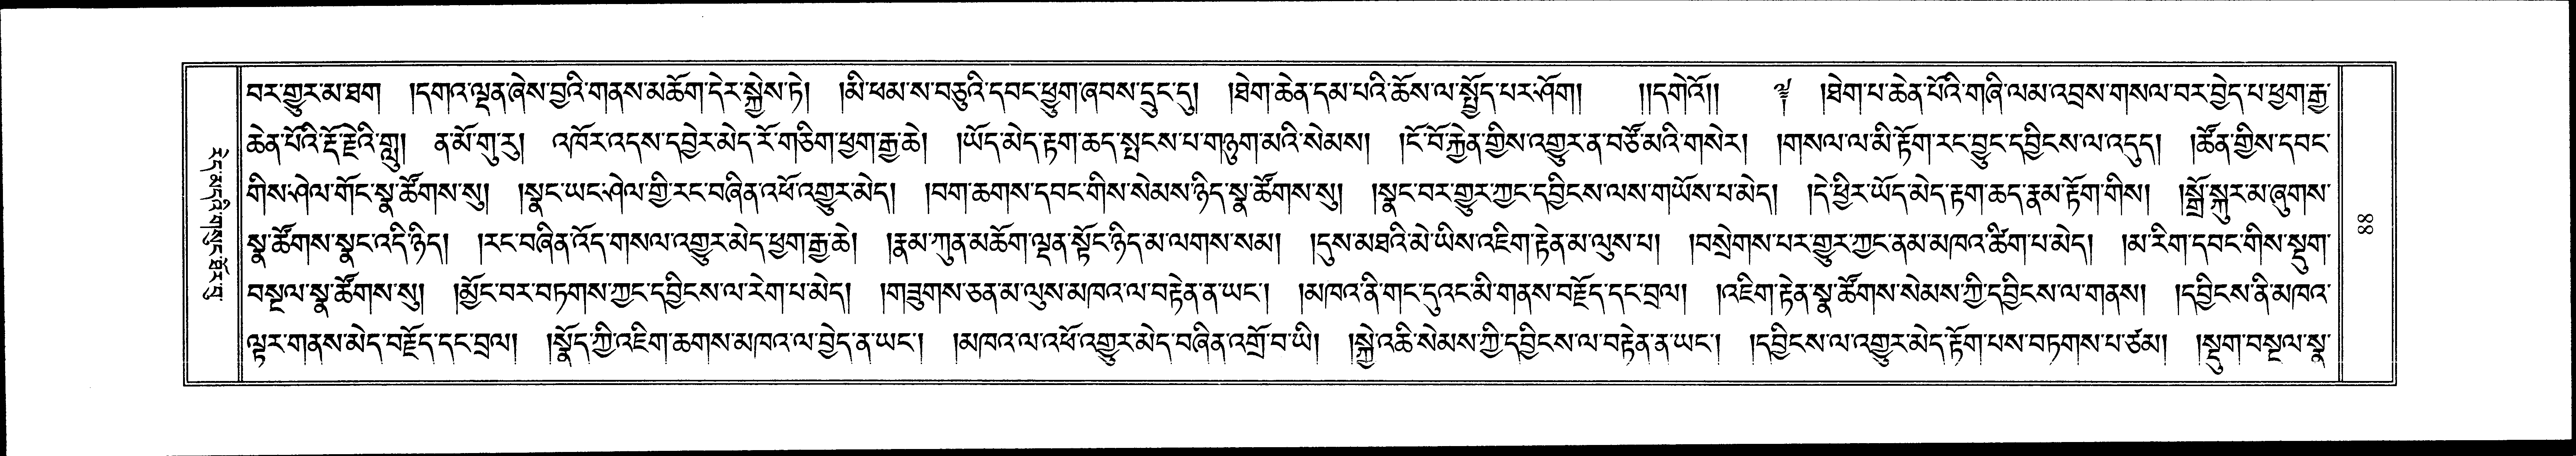བར་གྱུར་མ་ཐག །དགའ་ལྡན་ཞེས་བྱའི་གནས་མཆོག་དེར་སྐྱེས་ཏེ། །མི་ཕམ་ས་བཅུའི་དབང་ཕྱུག་ཞབས་དྲུང་དུ། །ཐེག་ཆེན་དམ་པའི་ཆོས་ལ་སྤྱོད་པར་ཤོག། །།དགེའོ།། ༈ །ཐེག་པ་ཆེན་པོའི་གཞི་ལམ་འབྲས་གསལ་བར་བྱེད་པ་ཕྱག་རྒྱ་
ཆེན་པོའི་རྡོ་རྗེའི་གླུ། ན་མོ་གུ་རུ། །འཁོར་འདས་དབྱེར་མེད་རོ་གཅིག་ཕྱག་རྒྱ་ཆེ། །ཡོད་མེད་རྟག་ཆད་སྤངས་པ་གཉུག་མའི་སེམས། །ངོ་བོ་རྐྱེན་གྱིས་འགྱུར་ན་བཙོ་མའི་གསེར། །གསལ་ལ་མི་རྟོག་རང་བྱུང་དབྱིངས་ལ་འདུད། །ཚོན་གྱིས་དབང་
གིས་ཤེལ་གོང་སྣ་ཚོགས་སུ། །སྣང་ཡང་ཤེལ་གྱི་རང་བཞིན་འཕོ་འགྱུར་མེད། །བག་ཆགས་དབང་གིས་སེམས་ཉིད་སྣ་ཚོགས་སུ། །སྣང་བར་གྱུར་ཀྱང་དབྱིངས་ལས་གཡོས་པ་མེད། །དེ་ཕྱིར་ཡོད་མེད་རྟག་ཆད་རྣམ་རྟོག་གིས། །སྒྲོ་སྐུར་མ་ཞུགས་
སྣ་ཚོགས་སྣང་འདི་ཉིད། །རང་བཞིན་འོད་གསལ་འགྱུར་མེད་ཕྱག་རྒྱ་ཆེ། །རྣམ་ཀུན་མཆོག་ལྡན་སྟོང་ཉིད་མ་ལགས་སམ། །དུས་མཐའི་མེ་ཡིས་འཇིག་རྟེན་མ་ལུས་པ། །བསྲེགས་པར་གྱུར་ཀྱང་ནམ་མཁའ་ཚིག་པ་མེད། །མ་རིག་དབང་གིས་སྡུག་
བསྔལ་སྣ་ཚོགས་སུ། །མྱོང་བར་བཏགས་ཀྱང་དབྱིངས་ལ་རེག་པ་མེད། །གཟུགས་ཅན་མ་ལུས་མཁའ་ལ་བརྟེན་ན་ཡང་། །མཁའ་ནི་གང་དུའང་མི་གནས་བརྗོད་དང་བྲལ། །འཇིག་རྟེན་སྣ་ཚོགས་སེམས་ཀྱི་དབྱིངས་ལ་གནས། །དབྱིངས་ནི་མཁའ་
ལྟར་གནས་མེད་བརྗོད་དང་བྲལ། །སྣོད་ཀྱི་འཇིག་ཆགས་མཁའ་ལ་བྱེད་ན་ཡང་། །མཁའ་ལ་འཕོ་འགྱུར་མེད་བཞིན་འགྲོ་བ་ཡི། །སྐྱེ་འཆི་སེམས་ཀྱི་དབྱིངས་ལ་བརྟེན་ན་ཡང་། །དབྱིངས་ལ་འགྱུར་མེད་རྟོག་པས་བཏགས་པ་ཙམ། །སྡུག་བསྔལ་སྣ་